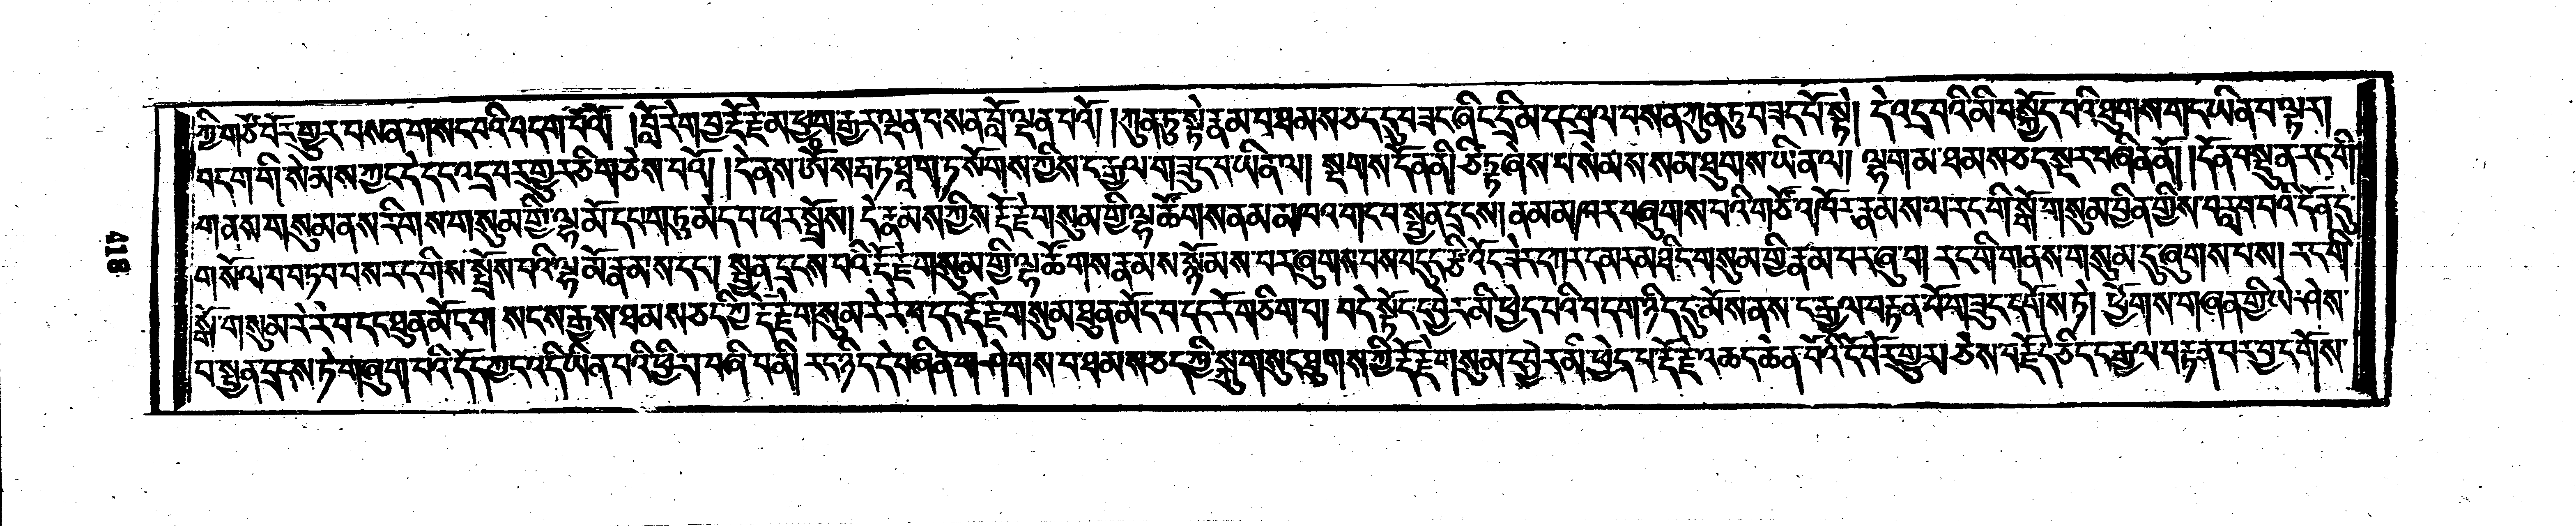ཀྱི་གཙོ་བོར་གྱུར་བས་ན་གསང་བའི་བདག་པོའོ། །བློ་རེག་བྱ་རྡོ་རྗེ་མ་ཕྱག་རྒྱར་ལྡན་པས་ན་བློ་ལྡན་པའོ། །ཀུན་ཏུ་སྟེ་རྣམ་པ་ཐམས་ཅད་དུ་བཟང་ཞིང་དྲི་མ་དང་བྲལ་བས་ན་ཀུན་ཏུ་བཟང་པོ་སྟེ། དེ་འདྲ་བའི་མི་བསྐྱོད་པའི་ཐུགས་གང་ཡིན་པ་ལྟར།
བདག་གི་སེམས་ཀྱང་དེ་དང་འདྲ་བར་གྱུར་ཅིག་ཅེས་པའོ། །དེ་ནས་ཨོཾ་སརྦ་ཏ་ཐཱ་ག་ཏ་སོགས་ཀྱིས་ང་རྒྱལ་གཟུང་བ་ཡིན་ལ། སྔགས་དོན་ནི། ཙིཏྟ་ཞེས་པ་སེམས་ཀ་མ་ཐུགས་ཡིན་ལ། ལྷག་མ་ཐམས་ཅད་སྔར་བཞིན་ནོ། །དོན་བསྡུ་ན་རང་གི་
གནས་གསུམ་ནས་རིགས་གསུམ་གྱི་ལྷ་མོ་དཔག་ཏུ་མེད་པ་པར་སྤྲོས། དེ་རྣམས་ཀྱིས་རྡོ་རྗེ་གསུམ་གྱི་ལྷ་ཚོགས་ནམ་མཁའ་གང་བ་སྤྱན་དྲངས། ནམ་མཁར་བཞུགས་པའི་གཙོ་འཁོར་རྣམས་ལ་རང་གི་སྒོ་གསུམ་བྱིན་གྱིས་བརླབ་པའི་དོན་དུ་
གསོལ་བ་བཏབ་པས་རང་གིས་སྤྲོས་པའི་ལྷ་མོ་རྣམས་དང་། སྤྱན་དྲངས་པའི་རྡོ་རྗེ་གསུམ་གྱི་ལྷ་ཚོགས་རྣམས་སྙོམས་པར་ཞུགས་པས་བདུད་རྩི་འོད་ཟེར་དཀར་དམར་མཐིང་གསུམ་གྱི་རྣམ་པར་ཞུ་བ། རང་གི་གནས་གསུམ་དུ་ཞུགས་པས། རང་གི་
སྒོ་གསུམ་རེ་རེ་བ་དང་ཐུན་མོང་བ། སངས་རྒྱས་ཐམས་ཅད་ཀྱི་རྡོ་རྗེ་གསུམ་རེ་རེ་བ་དང་རྡོ་རྗེ་གསུམ་ཐུན་མོང་བ་དང་རོ་གཅིག་པ། བདེ་སྟོང་དབྱེར་མི་ཕྱེད་པའི་བདག་ཉིད་དུ་མོས་ནས་ང་རྒྱལ་བརྟན་པོ་གཟུང་དགོས་ཏེ། ཕྱོགས་གཞན་གྱི་ཡེ་ཤེས་
པ་སྤྱན་དྲངས་ཏེ་གཞུག་པའི་དོད་ཀྱང་འདི་ཡིན་པའི་ཕྱིར། བཞི་བ་ནི། རང་ཉིད་དེ་བཞིན་གཤེགས་པ་ཐམས་ཅད་ཀྱི་སྐུ་གསུང་ཐུགས་ཀྱི་རྡོ་རྗེ་གསུམ་དབྱེར་མི་ཕྱེད་པ་རྡོ་རྗེ་འཆང་ཆེན་པོའི་ངོ་བོར་གྱུར། ཅེས་བརྗོད་ཅིང་ང་རྒྱལ་བརྟན་པར་བྱ་དགོས་